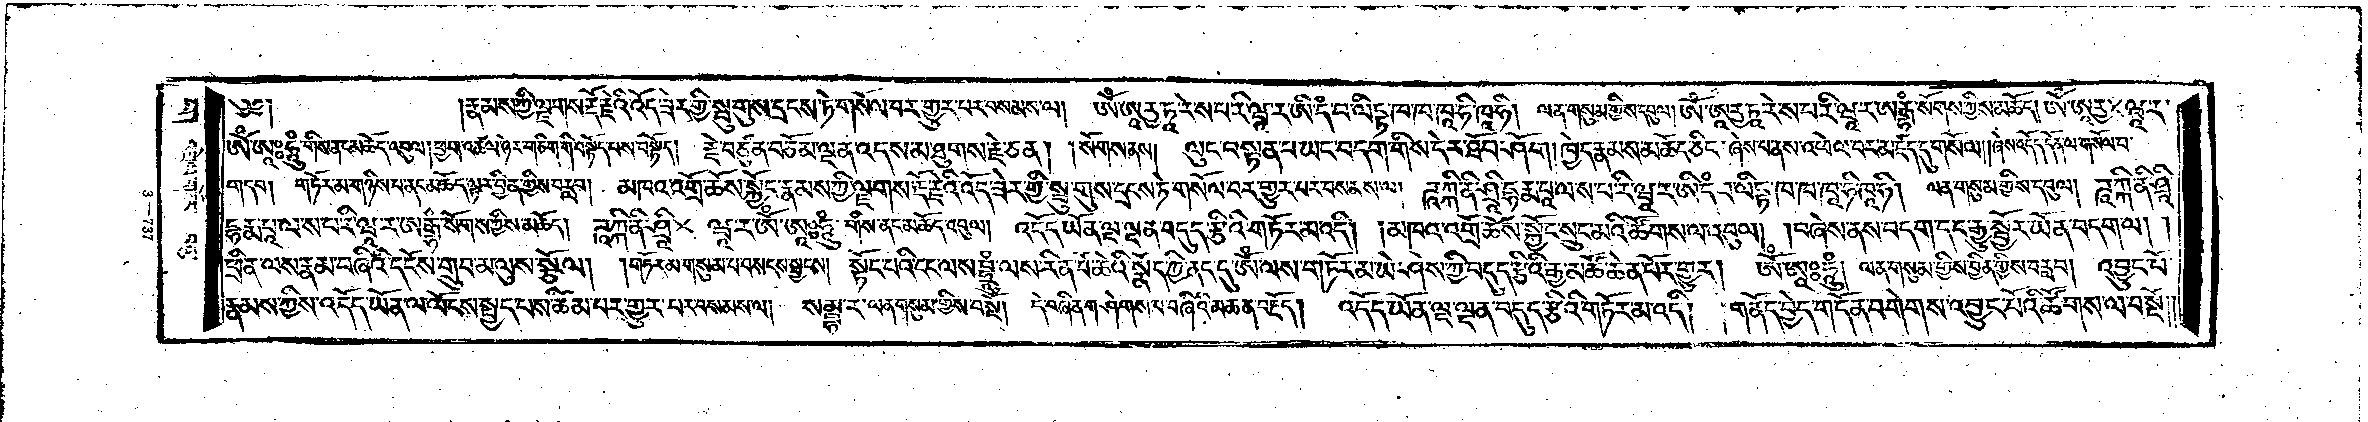༄༅། །རྣམས་ཀྱི་ལྗགས་རྡོ་རྗེའི་འོད་ཟེར་གྱི་སྦུ་གུས་དྲངས་ཏེ་གསོལ་བར་གྱུར་པར་བསམས་ལ།  ཨོཾ་ཨཱ་རྱ་ཏཱ་རེ་ས་པ་རི་ཝཱ་ར་ཨི་དཾ་བ་ལིངྟ་ཁ་ཁ་ཁཱ་ཧི་ཁཱ་ཧི། ལན་གསུམ་གྱིས་དབུལ།  ཨོཾ་ཨཱ་རྱ་ཏཱ་རེ་ས་པ་རི་ཝཱ་ར་ཨརྒྷཾ་སོགས་ཀྱིས་མཆོད།  ཨོཾ་ཨཱརྱཿཝཱ་ར་
ཨོཾ་ཨཱཿ ཧཱུཾ་གིས་ནང་མཆོད་འབུལ། ཕྱག་འཚལ་ཉེར་གཅིག་གི་བསྟོད་པས་བསྟོད།  རྗེ་བཙུན་བཅོམ་ལྡན་འདས་མ་ཐུགས་རྗེ་ཅན། །སོགས་ནས།  ལུང་བསྟན་པ་ཡང་བདག་གིས་དེར་ཐོབ་ཤོག། ཁྱེད་རྣམས་མཆོད་ཅིང་ཞེས་པ་ནས་འཕེལ་བར་མཛད་དུ་གསོལ། །ཞེས་འདོད་དོན་ལ་གསོལ་བ་
གདབ། གཏོར་མ་གཉིས་པ་ནང་མཆོད་ལྟར་བྱིན་གྱིས་བརླབ། མཁའ་འགྲོ་ཆོས་སྐྱོང་རྣམས་ཀྱི་ལྗགས་རྡོ་རྗེའི་འོད་ཟེར་གྱི་སྦུ་གུས་དྲངས་ཏེ་གསོལ་བར་གྱུར་པར་བསམས་ལ།  ཊཱཀྐི་ནི་ཤྲཱི་དྷརྨ་པཱ་ལ་ས་པ་རི་ཝཱ་ར་ཨི་དཾ་བ་ལིདྟ་ཁ་ཁ་ཁཱ་ཧི་ཁཱ་ཧི། ལན་གསུམ་གྱིས་དབུལ།  ཌཱཀྐི་ནི་ཤྲཱི་
དྷརྨ་པཱ་ལ་ས་པ་རི་ཝཱ་ར་ཨརྒྷཾ་སོགས་ཀྱིས་མཆོད།  ཌཱ་ཀྐི་ནི་ཤྲཱི་྾་ཝཱ་ར་ཨོཾ་ཨཱཿཧཱུཾ་གིས་ནང་མཆོད་འབུལ།  འདོད་ཡོན་ལྔ་ལྡན་བདུད་རྩིའི་གཏོར་མ་འདི། །མཁའ་འགྲོ་ཆོས་སྐྱོང་སྲུང་མའི་ཚོགས་ལ་འབུལ། །བཞེས་ནས་བདག་དང་རྒྱུ་སྦྱོར་ཡོན་བདག་ལ། །
ཕྲིན་ལས་རྣམ་བཞིའི་དངོས་གྲུབ་མ་ལུས་སྩོལ། །གཏོར་མ་གསུམ་པ་བསངས་སྦྱངས།  སྟོང་པའི་ངང་ལས་བྷྲཱུཾ་ལས་རིན་པོ་ཆེའི་སྣོད་ཀྱི་ནང་དུ་ཨོཾ་ལས་གཏོར་མ་ཡེ་ཤེས་ཀྱི་བདུད་རྩིའི་རྒྱ་མཚོ་ཆེན་པོར་གྱུར། ཨོཾ་ཨཱཿཧཱུཾ། ལན་གསུམ་གྱིས་བྱིན་གྱིས་བརླབ།  འབྱུང་པོ་
རྣམས་ཀྱིས་འདོད་ཡོན་ལ་ལོངས་སྤྱད་པས་ཚིམ་པར་གྱུར་པར་བསམས་ལ།  སམྦྷ་ར་ལན་གསུམ་གྱིས་བསྔོ། དེ་བཞིན་གཤེགས་པ་བཞིའི་མཚན་བརྗོད།  འདོད་ཡོན་ལྔ་ལྡན་བདུད་རྩིའི་གཏོར་མ་འདི། །གནོད་བྱེད་གདོན་བགེགས་འབྱུང་པོའི་ཚོགས་ལ་བསྔོ། །